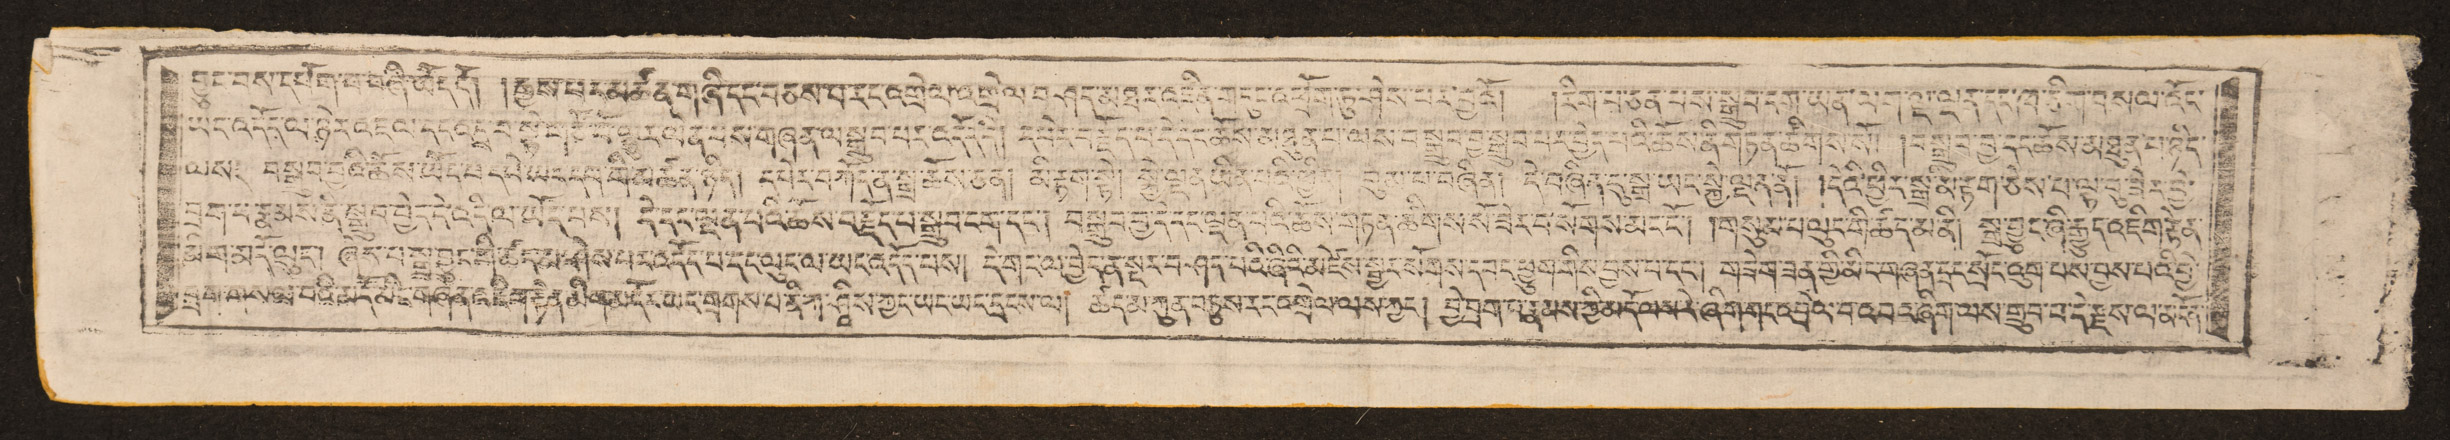བྱུང་བས་དཔོག་པ་བཞི་ཡོད་དོ། །རྒྱས་པར་མཚན་གཞི་དང་བཅས་པ་རང་འགྲེལ་འགྲེལ་བཤད་མཐར་འཛིན་གདུང་འཕྲོག་ཏུ་ཤེས་པར་བྱའོ། །རིག་པ་ཅན་པས་སྒྲུབ་ངག་ཡན་ལག་ལྔ་ལྡན་དང་ཁ་ཅིག་བསལ་འོང་
ཡང་འདོད་ལ་ཉེར་འཇལ་དང་འདྲ་བ་སྟེ་གཙོ་བོ་ལྷུར་ལེན་པས་གཞན་ལ་སྒྲུབ་པར་འདོད་དེ། དཔེར་བརྗོད་པ་དེ་དང་ཆོས་མཐུན་པ་ལས་བསྒྲུབ་བྱ་སྒྲུབ་པར་བྱེད་པའི་ཆོས་ནི་གཏན་ཚིགས་སོ། །བསྒྲུབ་བྱ་དང་ཆོས་མཐུན་པ་ཉིད་
པས༑ བསྒྲུབ་བྱའི་ཆོས་ཡོད་པ་དཔེ་ཡང་དག་གི་མཚན་ཉིད། །དཔེར་བཀོད་ན་སྒྲ་ཆོས་ཅན། །མི་རྟག་སྟེ། །སྐྱེ་ལྡན་ཡིན་པའི་ཕྱིར། །བུམ་པ་བཞིན། །དེ་བཞིན་དུ་སྒྲ་ཡང་སྐྱེ་ལྡན་ནོ། །དེའི་ཕྱིར་སྒྲ་མི་རྟག་ཅེས་པ་ལྟ་བུ་ཟེར་བྱེ་
བྲག་པ་རྣམས་ནི་སྒྲུབ་བྱེད་དེ་འདི་ལ་ཡོད་པས། །དེ་དང་ལྡན་པའི་ཆོས་བརྗོད་པ་སྒྲུབ་ངག་དང་། །བསྒྲུབ་བྱ་དེ་དང་ལྡན་པའི་ཆོས་གཏན་ཚིགས་སོ་ཟེར་བ་སོགས་མང་ངོ། །གསུམ་པ་ལུང་གི་ཚད་མ་ནི། །སྒྲ་བྱུང་ཞི་རྒྱུད་འཇིག་རྟེན་
མིག་མདོ་ལུང་། །ཞེས་པ་སྒྲ་བྱུང་གི་ཚད་མ་ཤེས་པར་འདོད་པ་དང་ལུང་ལ་ཡང་འདོད་པས། །དེ་གང་ལ་བྱེད་ན་སྔར་བཤད་པའི་ཞིའི་མཛེས་སྦྱར་སོགས་དབང་ཕྱུག་གིས་བྱས་པ་དང་། །གཟེག་ཟན་གྱི་མིང་གཞན་དྲང་སྲོང་འུག་པས་བྱས་པའི་བྱེ་
བྲག་གསལ་བའི་མདོ་མིང་གཞན་འཇིག་རྟེན་མིག་མདོར་ཡང་གྲགས་པ་ནི་ཀ་ཤཱིས་ཀྱང་ཡང་ཡང་དྲངས་ལ། །ཚད་མ་ཀུན་བཏུས་རང་འགྲེལ་ལས་ཀྱང་། །བྱེ་བྲག་པ་རྣམས་ཀྱི་མདོ་ལས་རེ་ཞིག་གང་འབྲེལ་བ་འབའ་ཞིག་ལས་གྲུབ་པ་དེ་རྫས་ལ་མངོན་